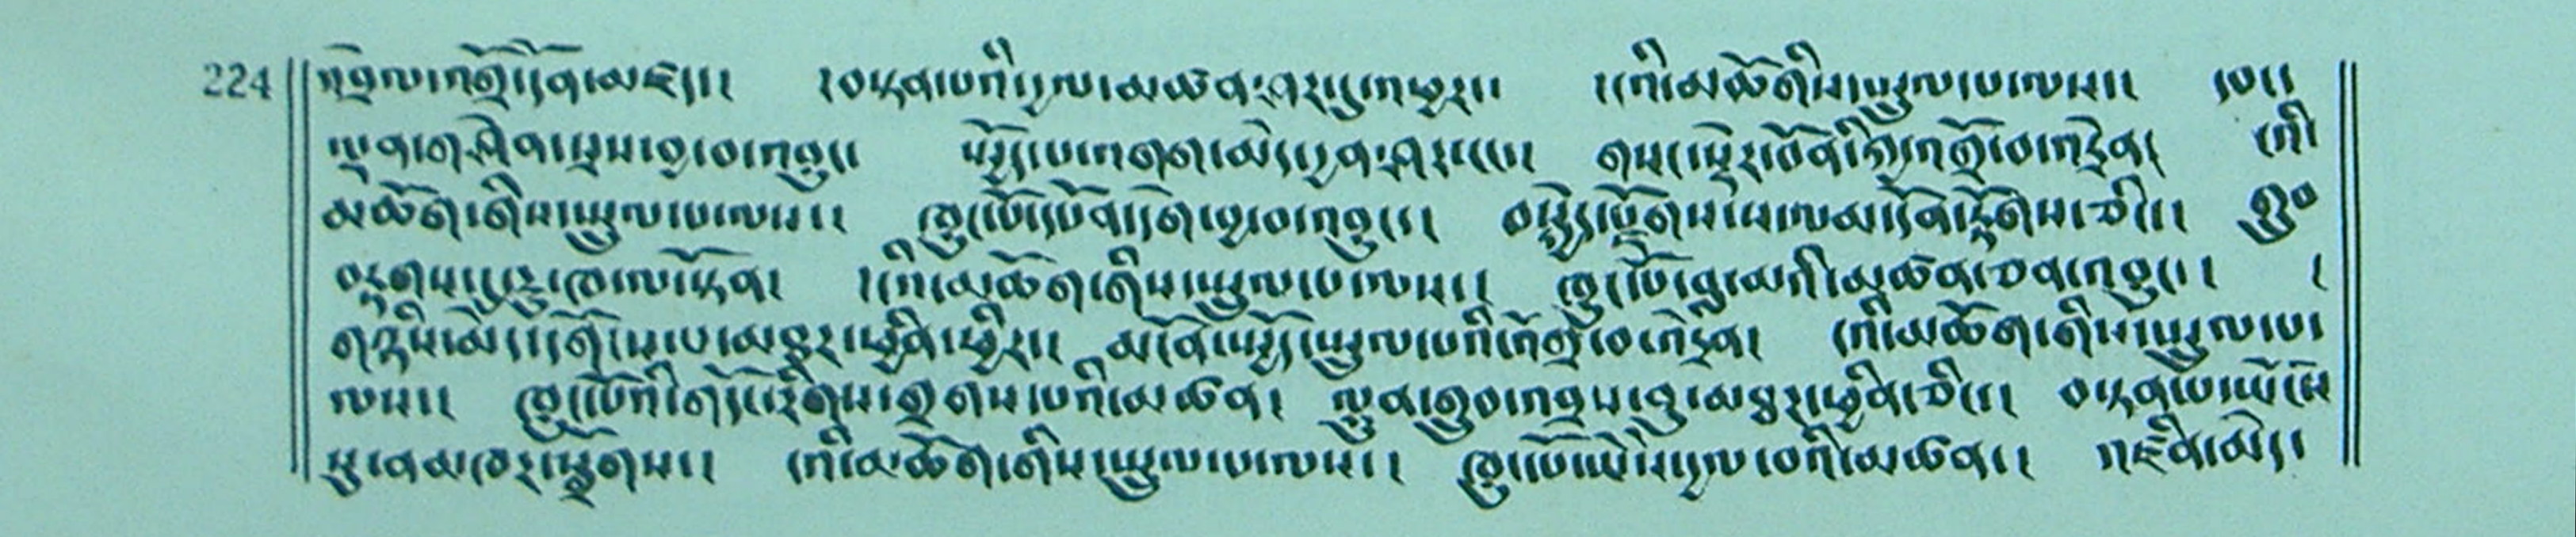༄༅། །འབྲེལ་འགྲོ་དོན་མཛད། བསྟན་པ་རྒྱལ་མཚན་ཤར་དུ་འཕྱར། ང་ཡི་མཆོག་གི་སྤྲུལ་པ་ལས། དབང་
ལྡན་གཤེན་སྲས་བྱ་བ་འབྱུང་། སྤྱོད་པ་འགག་མེད་རྒྱན་ཤར་ངང་། གསང་གཏེར་བོན་གྱི་འགྲོ་བ་འདྲེན། ང་ཡི་
མཆོག་གི་སྤྲུལ་པ་ལས། ཁྱུང་བོ་དཔོན་དགེ་བྱ་བ་འབྱུང་། བསྐྱེད་རྫོགས་ས་ལམ་དོན་རྟོགས་ཅིང་། གྲུབ་
རྟགས་དུ་རུ་ཁ་ལ་སྟོན། ང་ཡི་མཆོག་གི་སྤྲུལ་པ་ལས། ཁྱུང་བོ་བླ་མའི་མཚན་ཅན་འབྱུང་། 
གཉིས་མེད་དགོངས་པ་མཐར་ཕྱིན་ཕྱིར། མངོན་སྤྱོད་སྤྲུལ་པའི་འགྲོ་བ་འདྲེན། ང་ཡི་མཆོག་གི་སྤྲུལ་པ་
ལས། ཁྱུང་བོའི་གདོང་རིགས་་གྲགས་པའི་མཚན། ལྷུན་གྲུབ་འབྲས་བུ་མཐར་ཕྱིན་ཅིང་། བསྟན་པ་ཡོངས་
སུ་ནམ་མཁར་སྒྲོགས། ང་ཡི་མཆོག་གི་སྤྲུལ་པ་ལས། ཁྱུང་བོ་ཡེ་ཤེས་རྒྱལ་བའི་མཚན། འཛིན་མེད་